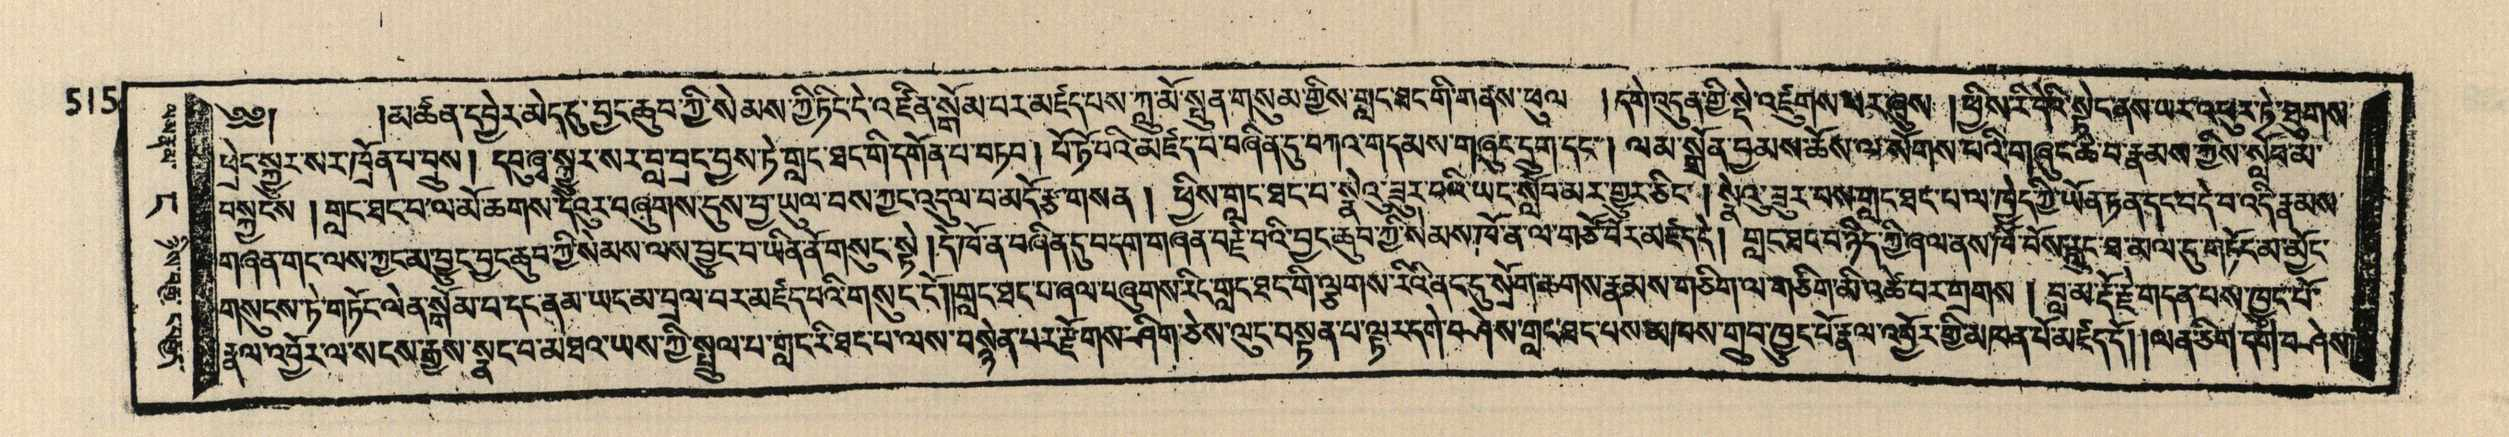༄༅། །མཚན་དབྱེར་མེད་དུ་བྱང་ཆུབ་ཀྱི་སེམས་ཀྱི་ཏིང་ངེ་འཛིན་སྒོམ་པར་མཛད་པས་ཀླུ་མོ་སྤུན་གསུམ་གྱིས་གླང་ཐང་གི་གནས་ཕུལ་།དགེ་འདུན་གྱི་སྡེ་འཛུགས་པར་ཞུས་།ཕྱིས་རི་དེའི་སྟེང་ནས་ཡར་འཕུར་ཏེ་ཐུགས་
ཕྲེང་སྐྱུར་སར་ཁྲོན་པ་བྲུས། དབུ་ཞྭ་སྒྱུར་སར་བླ་བྲང་བྱས་ཏེ་གླང་ཐང་གི་དགོན་པ་བཏབ། པོ་ཏོ་བའི་མཛད་པ་བཞིན་དུ་བཀའ་གདམས་གཞུང་དྲུག་དང་། ལམ་སྒྲོན་བྱམས་ཆོས་ལ་སོགས་པའི་གཞུང་ཆེ་བ་རྣམས་ཀྱིས་སློབ་མ་
བསྐྱངས་།གླང་ཐང་པ་ལ་མོ་ཆགས་དེའུར་བཞུགས་དུས་བྱ་ཡུལ་བས་ཀྱང་འདུལ་བ་མདོ་རྩ་གསན། ཕྱིས་གླང་ཐང་པ་སྣེའུ་ཟུར་བའི་ཡང་སློབ་མར་གྱུར་ཅིང་། སྣེའུ་ཟུར་པས་གླང་ཐང་པ་ལ་ཁྱེད་ཀྱི་ཡོན་ཏན་དང་བདེ་བ་འདི་རྣམས་
གཞན་གང་ལས་ཀྱང་མ་བྱུང་བྱང་ཆུབ་ཀྱི་སེམས་ལས་བྱུང་བ་ཡིན་ནོ་གསུང་སྟེ། དེ་ཁོ་ན་བཞིན་དུ་བདག་གཞན་བརྗེ་བའི་བྱང་ཆུབ་ཀྱི་སེམས་ཁོ་ན་ལ་གཙོ་བོར་མཛད་དེ། གླང་ཐང་བ་ཉིད་ཀྱི་ཞལ་ནས་ཁོ་བོས་རླུང་ཐ་མལ་དུ་གཏོང་མ་མྱོང་
གསུངས་ཏེ་གཏོང་ལེན་སྒོམ་པ་དང་ནམ་ཡང་མ་བྲལ་བར་མཛད་པའི་གསུང་ངོ། །གླང་ཐང་པ་ཞལ་པ་ཞུགས་རིང་གླང་ཐང་གི་ལྕགས་རིའི་ནང་དུ་སྲོག་ཆགས་རྣམས་གཅིག་ལ་གཅིག་མི་འཚེ་བར་གྲགས། བླ་མ་རྡོ་རྗེ་གདན་པས་ཁྱུད་པོ་
རྣལ་འབྱོར་ལ་སངས་རྒྱས་སྣང་བ་མཐའ་ཡས་ཀྱི་སྤྲུལ་པ་གླང་རི་ཐང་པ་ལས་བསྙེན་པར་རྫོགས་ཤིག་ཅེས་ལུང་བསྟན་པ་ལྟར་དགེ་བཤེས་གླང་ཐང་པས་མཁས་གྲུབ་ཁྱུད་པོ་རྣལ་འབྱོར་གྱི་མཁན་པོ་མཛད་དོ། །ལན་ཅིག་དགེ་བཤེས།